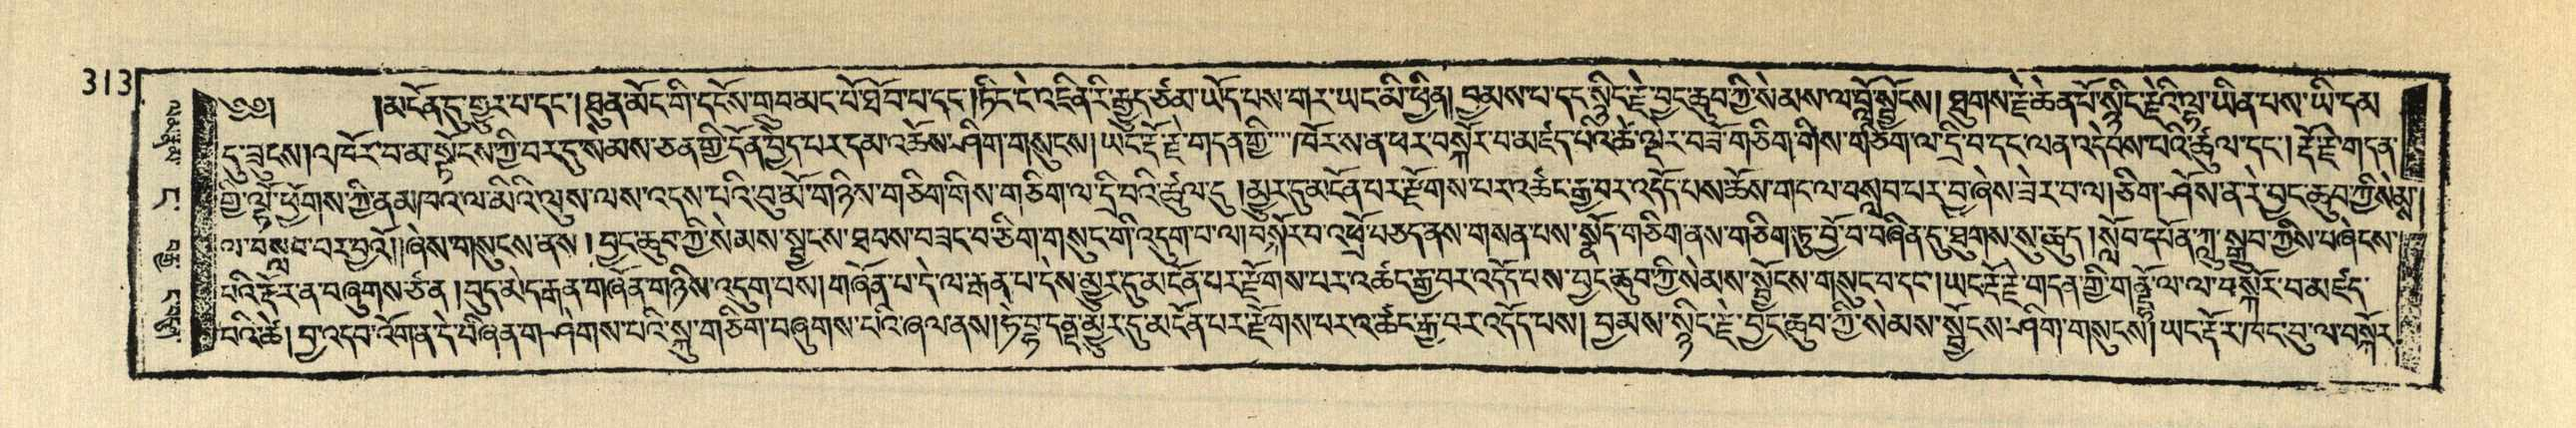༄༅། །མངོན་དུ་གྱུར་པ་དང་། ཐུན་མོང་གི་དངོས་གྲུབ་མང་པོ་ཐོབ་པ་དང་།ཏིང་ངེ་འཛིན་རི་རྒྱུད་ཙམ་ཡོད་པས་གར་ཡང་མི་ཕྱིན། བྱམས་པ་དང་སྙིང་རྗེ་བྱང་ཆུབ་ཀྱི་སེམས་ལ་བློ་སྦྱོངས། ཐུགས་རྗེ་ཆེན་པོ་སྙིང་རྗེའི་ལྷ་ཡིན་པས་ཡི་དམ་
དུ་ཟུངས། འཁོར་བ་མ་སྟོངས་ཀྱི་བར་དུ་སེམས་ཅན་གྱི་དོན་བྱེད་པར་དམ་འཆོས་ཤིག་གསུངས། ཡང་རྡོ་རྗེ་གདན་གྱི་ཁོར་ས་ན་ཕར་བསྐོར་བ་མཛད་པའི་ཚེ་ལྡེར་བཟོ་གཅིག་གིས་གཅིག་ལ་དྲི་བ་དང་ལན་འདེབས་པའི་ཚུལ་དང་། རྡོ་རྗེ་གདན་
གྱི་ལྷོ་ཕྱོགས་ཀྱི་ན་མཁའ་ལ་མིའི་ལུས་ལས་འདས་པའི་བུ་མོ་གཉིས་གཅིག་གིས་གཅིག་ལ་དྲི་བའི་ཚུལ་དུ་།མྱུར་དུ་མངོན་པར་རྫོགས་པར་འཚང་རྒྱ་བར་འདོད་པས་ཆོས་གང་ལ་བསླབ་པར་བྱ་ཞེས་ཟེར་བ་ལ། ཅིག་ཤོས་ན་རེ་བྱང་ཆུབ་ཀྱི་སེམས་
ལ་བསླབ་བར་བྱའོ། །ཞེས་གསུངས་ནས། བྱང་ཆུབ་ཀྱི་སེམས་སྦྱངས་ཐབས་བཟང་བ་ཅིག་གསུང་གི་འདུག་པ་ལ། བསྐོར་བ་འཕྲོ་བཅད་ནས་གསན་པས་སྣོད་གཅིག་ནས་གཅིག་ཏུ་བྱོ་བ་བཞིན་དུ་ཐུགས་སུ་ཆུད། སློབ་དཔོན་ཀླུ་སྒྲུབ་ཀྱིས་བཞེངས་
པའི་རྡོར་ན་བཞུགས་ཙ་ན། བུད་མེད་རྒན་གཞོན་གཉིས་འདུག་པས། གཞོན་པ་དེ་ལ་རྒན་པ་དེས་མྱུར་དུ་མངོན་པར་རྫོགས་པར་འཚང་རྒྱ་བར་འདོད་པས་བྱང་ཆུབ་ཀྱི་སེམས་སྦྱོངས་གསུང་བ་དང་། ཡང་རྡོ་རྗེ་གདན་གྱི་གནྡྷོ་ལ་ལ་བསྐོར་བ་མཛད་
པའི་ཚེ། བྱ་འདབ་འོག་ན་དེ་བཞིན་གཤེགས་པའི་སྐུ་གཅིག་བཞུགས་པའི་ཞལ་ནས། ཧེ་བྷ་དནྡ་མྱུར་དུ་མངོན་པར་རྫོགས་པར་འཚང་རྒྱ་བར་འདོད་པས། བྱམས་སྙིང་རྗེ་བྱང་ཆུབ་ཀྱི་སེམ་སྦྱོངས་ཤིག་གསུངས། ཡང་རྡོ་ར་ཁང་བུ་ལ་བསྐོར་